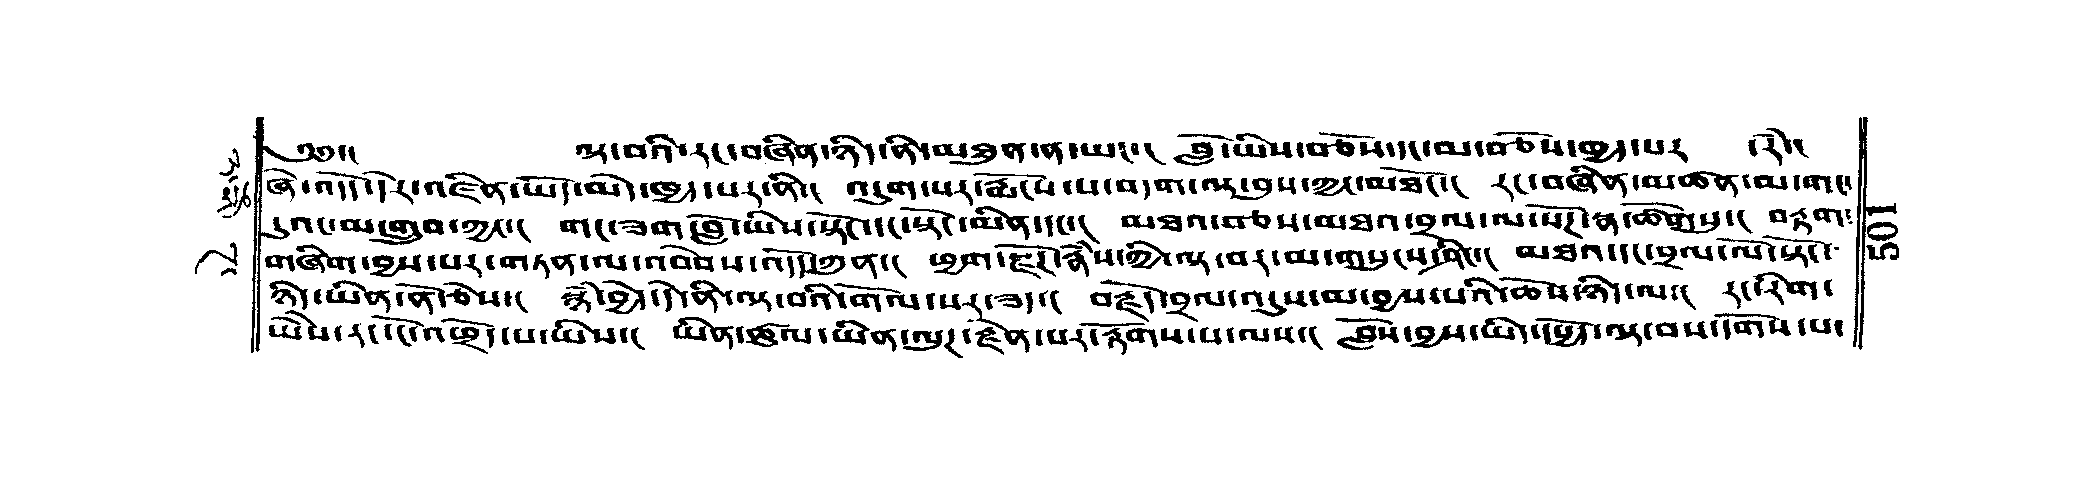།ལྟ་བའི་རང་བཞིན་ཉིད་ནི་མཐུན་ན་ཡང་། །བློ་ཡིས་བཅོས་དང་མ་བཅོས་ཁྱད་པར་རམ། །ཞེ་
འདོད་དེར་འཇིན་ཡོད་མེད་ཁྱད་པར་ནི། །འདུག་པར་རྨོངས་པ་བདག་ལྟ་བུས་ཀྱང་མཐོང་། །རང་བཞིན་མཚན་མ་གང་
དུའང་མ་གྲུབ་ཀྱང་། །གང་ཟག་བློ་ཡིས་སྟོང་དང་སྟོང་མིན་དང་། །མཐའ་བཅས་མཐའ་བྲལ་ལ་སོགས་སྣ་ཚོགས་སུ། །བརྟག་
གཞིག་བྱས་པར་གཏན་ལ་འབེབས་འདོད་ཀུན། །ཕྱག་རྫོགས་རྣམས་ཀྱི་ལྟ་བར་མ་གསུངས་ཤིང་། །མཐའ་དང་བྲལ་ལོ་སྟོང་
ཉིད་ཡིན་ནོ་ཅེས། །སྙམ་བྱེད་དེ་ནི་ལྟ་བའི་གོལ་སར་ཟད། །བརྗོད་བྲལ་འདུས་མ་བྱས་པའི་ཆོས་ཉིད་ལ། །རང་རིག་
ཡེ་ཤེས་རང་ངོ་འཕྲོད་པ་ཡིས། །ཡིན་ཚུལ་ཡིན་ལུགས་རྗེན་པར་རྟོགས་པ་ལས། །བློས་བྱས་ཡིད་དཔྱོད་ལྟ་བས་དགོས་པ་